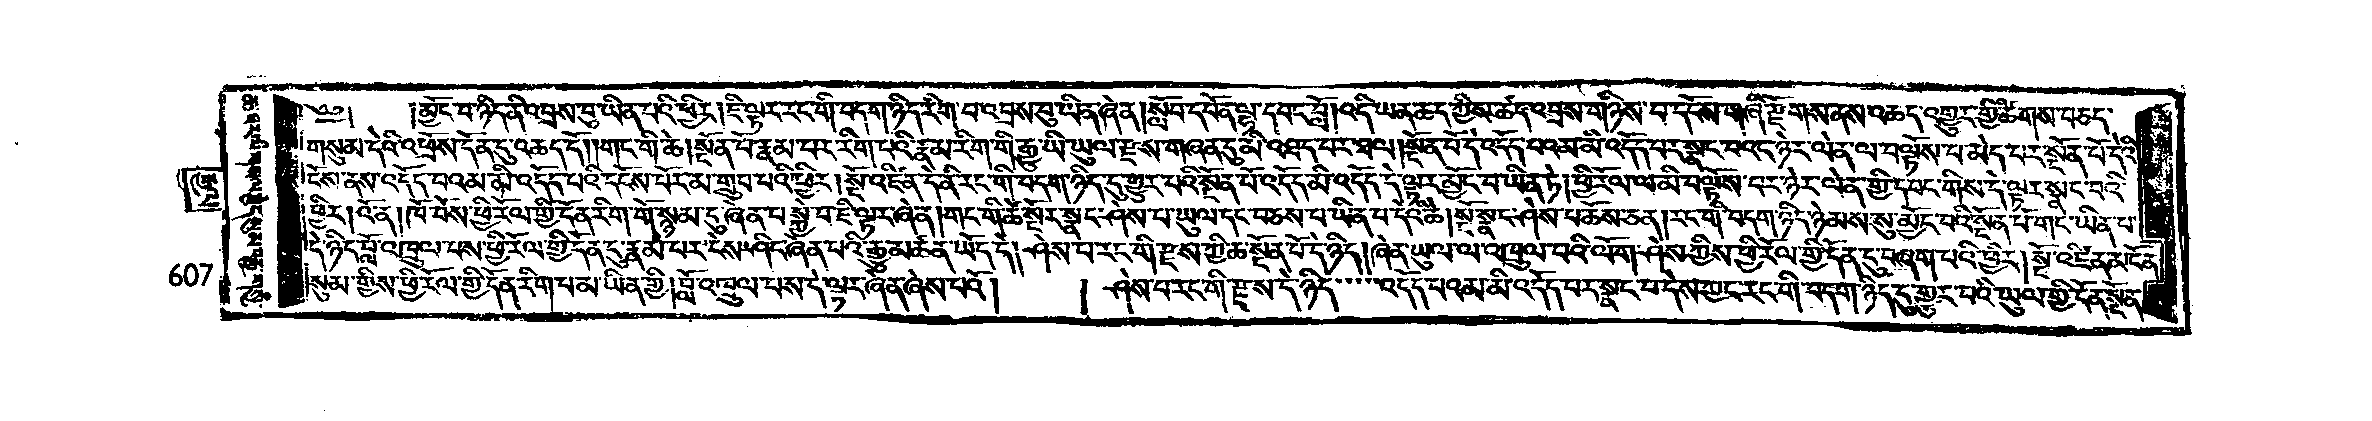༄༅། །མྱོང་བ་ཉིད་ནི་འབྲས་བུ་ཡིན་པའི་ཕྱིར། ཇི་ལྟར་རང་གི་བདག་ཉིད་རིག་པ་འབྲས་བུ་ཡིན་ཞེ་ན། སློབ་དཔོན་ལྷ་དབང་བློ། འདི་ཡན་ཆད་ཀྱིས་ཚད་འབྲས་གཉིས་པ་དངོས་གཞི་རྫོགས་ནས་འཆད་འགྱུར་གྱི་ཚིགས་བཅད་
གསུམ་དེའི་འཕྲོས་དོན་དུ་འཆད་དོ། །གང་གི་ཚེ། སྔོན་པོ་རྣམ་པར་རིག་པའི་རྣམ་རིག་གི་རྒྱུ་ཡི་ཡུལ་རྫས་གཞན་དུ་མི་འཐད་པར་ཐལ། སྔོན་པོ་དེ་འདོད་པའམ་མི་འདོད་པར་སྣང་བའང་ཉེར་ལེན་ལ་བལྟོས་པ་མེད་པར་སྔོན་པོ་དེའི་
ངོས་ནས་འདོད་པའམ་མི་འདོད་པའི་དངོས་པོར་མ་གྲུབ་པའི་ཕྱིར། སྔོ་འཛིན་དེ་ནི་རང་གི་བདག་ཉིད་དུ་གྱུར་པའི་སྔོན་པོ་འདོད་མི་འདོད་དེ་ལྟར་མྱོང་བ་ཡིན་ཏེ། ཕྱི་རོལ་ལ་མི་བལྟོས་པར་ཉེར་ལེན་གྱི་དབང་གིས་དེ་ལྟར་སྣང་བའི་
ཕྱིར། འོ་ན། ཁོ་བོས་ཕྱི་རོལ་གྱི་དོན་རིག་གོ་སྙམ་དུ་ཞེན་པ་སྐྱེ་བ་ཇི་ལྟར་ཞེ་ན། གང་གི་ཚེ་སྔོར་སྣང་ཤེས་པ་ཡུལ་དང་བཅས་པ་ཡིན་པ་དེའི་ཚེ། སྔོ་སྣང་ཤེས་པ་ཆོས་ཅན། རང་གི་བདག་ཉིད་ཉམས་སུ་མྱོང་བའི་སྔོན་པོ་གང་ཡིན་པ་
དེ་ཉིད་བློ་འཁྲུལ་པས་ཕྱི་རོལ་གྱི་དོན་དུ་རྣམ་པར་ངེས་ཤིང་ཞེན་པའི་རྒྱུ་མཚན་ཡོད་དེ། ཤེས་པ་རང་གི་རྫས་ཀྱི་ཆ་སྔོན་པོ་དེ་ཉིད། ཞེན་ཡུལ་ལ་འཁྲུལ་བའི་ལོག་ཤེས་ཀྱིས་ཕྱི་རོལ་གྱི་དོན་དུ་བཞག་པའི་ཕྱིར། སྔོ་འཛིན་མངོན་
སུམ་གྱིས་ཕྱི་རོལ་གྱི་དོན་རིག་པ་མ་ཡིན་གྱི། བློ་འཁྲུལ་པས་དེ་ལྟར་ཞེན་ཞེས་པའོ། །ཤེས་པ་རང་གི་རྫས་དེ་ཉིད་འདོད་པའམ་མི་འདོད་པར་སྣང་བ་དེས་ཀྱང་རང་གི་བདག་ཉིད་དུ་གྱུར་པའི་ཡུལ་གྱི་དོན་སྔོན་